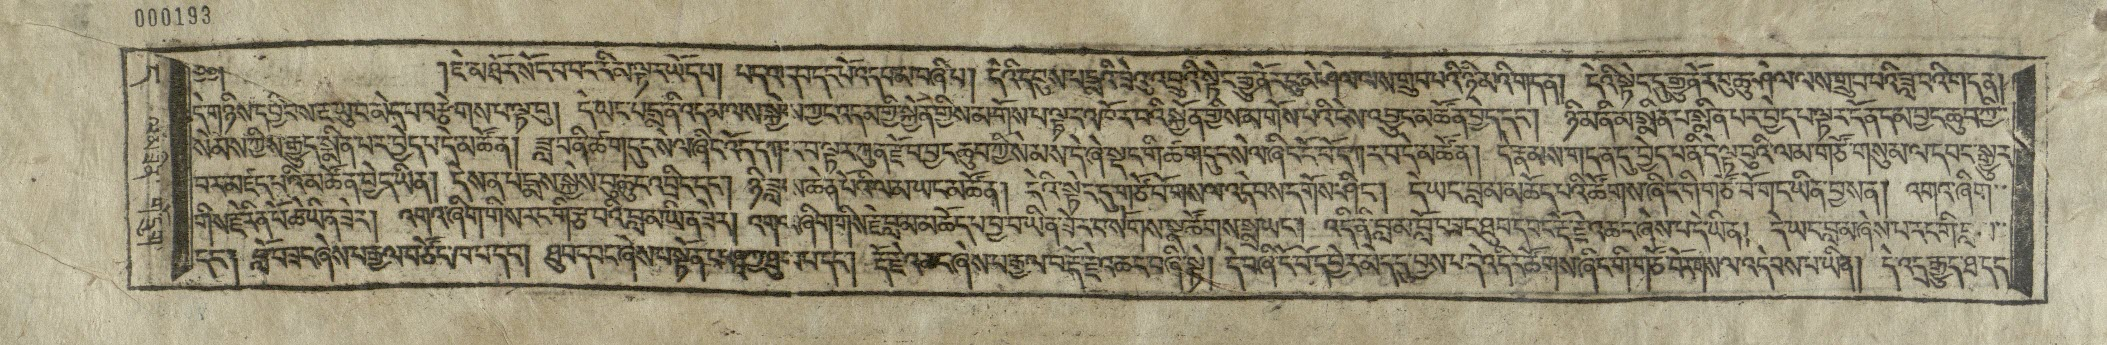༄༅། །ཇེ་མཐོར་སོང་བ་བང་རིམ་ལྟར་ཡོད་པ། པད་འདབ་དང་པོ་འདབ་མ་བཞི་པ། དེའི་དབུས་པདམའི་ཟེའུ་འབྲུའི་སྟེང་རྒྱུ་ནོར་བུ་མེ་ཤེལ་ལས་གྲུབ་པའི་ཉི་མའི་གདན། དེའི་སྟེང་དུ་རྒྱུ་ནོར་བུ་ཆུ་ཤེལ་ལས་གྲུབ་པའི་ཟླ་བའི་གདན།
དེ་གཉིས་དབྱིབས་རྔ་ཡུ་བ་མེད་པ་བརྩེགས་པ་ལྟ་བུ། དེ་ཡང་པདམ་ནི་འདམ་ལས་སྐྱེས་ཀྱང་འདམ་གྱི་སྐྱོན་གྱིས་མ་གོས་པ་ལྟར་འཁོར་བའི་སྐྱོན་གྱིས་མ་གོས་པའི་ངེས་འབྱུང་མཚོན་བྱེད་དང་། ཉི་མ་ནི་མ་སྨིན་པ་སྨིན་པར་བྱེད་པ་ལྟར་དོན་དམ་བྱང་ཆུབ་ཀྱི་
སེམས་ཀྱིས་རྒྱུད་སྨིན་པར་བྱེད་པ་དེ་མཚོན། ཟླ་བ་ནི་ཚ་གདུང་སེལ་ཞིང་འོད་དཀར་བ་ལྟར་ཀུན་རྫོབ་བྱང་ཆུབ་ཀྱི་སེམས་དེ་ཞེ་སྡང་གི་ཚ་གདུང་སེལ་ཞིང་ངོ་བོ་དཀར་བ་དེ་མཚོན། དེ་རྣམས་གདན་དུ་བྱེད་པ་ནི་དེ་ལྟ་བུའི་ལམ་གཙོ་གསུམ་ལ་དབང་སྒྱུར་
བར་མཛད་པའི་མཚོན་བྱེད་ཡིན། དེས་ན་པདམས་སྐྱེས་བུ་ཆུང་འབྲིང་དང་། ཉི་ཟླས་ཆེན་པོའི་ལམ་ཡང་མཚོན། དེའི་སྟེང་དུ་གཙོ་བོ་གསལ་འདེབས་དགོས་ཤིང་། དེ་ཡང་བླ་མ་མཆོད་པའི་ཚོགས་ཞིང་གི་གཙོ་བོ་གང་ཡིན་བྱས་ན། འགའ་ཞིག་
གིས་རྗེ་རིན་པོ་ཆེ་ཡིན་ཟེར། འགའ་ཞིག་གིས་རང་གི་རྩ་བའི་བླ་མ་ཡིན་ཟེར། འགའ་ཞིག་གིས་རྗེ་བླ་མ་མཆོད་པ་བྱ་བ་ཡིན་ཟེར་བ་སོགས་སྣ་ཚོགས་སྨྲ་ཡང་། འདི་ནི་བླ་མ་བློ་བཟང་ཐུབ་དབང་རྡོ་རྗེ་འཆང་ཞེས་པ་དེ་ཡིན། དེ་ཡང་བླ་མ་ཞེས་པ་རང་གི་བླ་མ་
དང་། བློ་བཟང་ཞེས་པ་རྒྱལ་བ་ཙོང་ཁ་པ་དང་། ཐུབ་དབང་ཞེས་པ་སྟོན་པ་ཤཱཀྱ་ཐུབ་པ་དང་། རྡོ་རྗེ་འཆང་ཞེས་པ་རྒྱལ་བ་རྡོ་རྗེ་འཆང་བཞི་སྟེ། དེ་བཞི་ངོ་བོ་དབྱེར་མེད་དུ་བྱས་པ་དེ་འདིར་ཚོགས་ཞིང་གི་གཙོ་བོར་གསལ་འདེབས་པ་ཡིན། དེ་འདྲ་རྒྱུད་ཐ་དད་